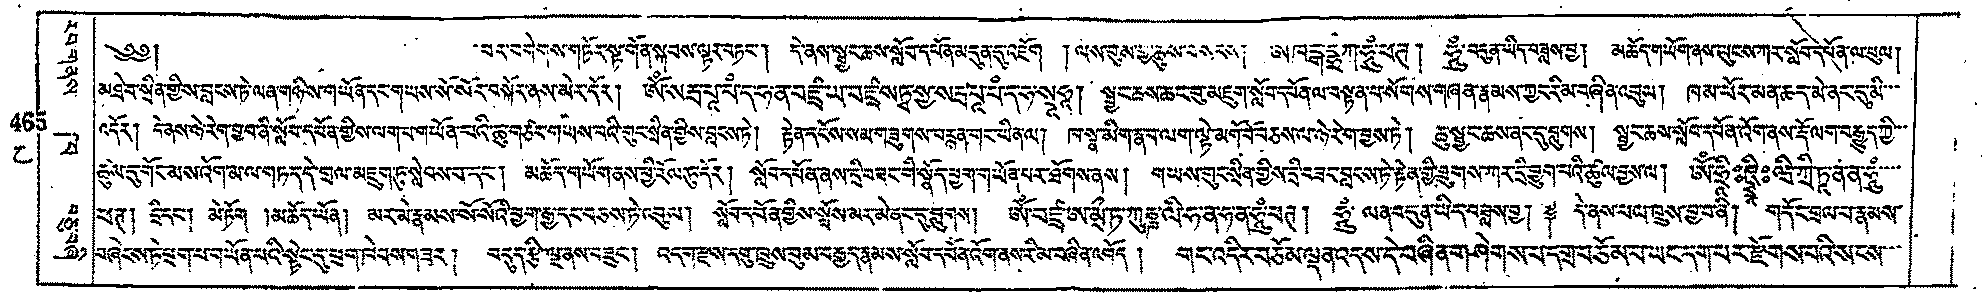༄༅། །བར་བགེགས་གཏོར་སྟ་གོན་སྐབས་ལྟར་བཏང་། དེ་ནས་སྦྱང་ཆས་སློབ་དཔོན་མདུན་དུ་འཇོག །ལས་བུམ་གྱ་ཆུས་བསངས།  ཨཁངྒ་དྷྲ་ཀ་ཧཱུཾ་ཕཊ། ཧཱུཾ་བདུན་ཡིད་བཟླས་བྱ། མཆོད་གཡོག་ནས་ཡུངས་ཀར་སློབ་དཔོན་ལ་ཕུལ།
མཐེབ་སྲིན་གྱིས་བླངས་ཏེ་ལན་གཉིས་གཡོན་དང་གཡས་སོ་སོར་བསྐོར་ནས་མེར་དོར། ཨོཾ་སརྦ་པཱ་པཾ་ད་ཧ་ན་བཛྲ་ཡ་བཛྲ་སཏྭ་སྱ་སརྦ་པཱ་པཾ་ད་ཧ་སྭཱཧཱ། སྦྱང་ཆུབ་ཆང་བུ་མཇུག་སློབ་དཔོན་ལ་བསྟན་པ་སོགས་གཞན་རྣམས་ཀྱང་རིམ་བཞིན་འབུལ། ཁམ་ཕོར་མན་ཆད་མེ་ནང་དུ་མི་
འདོར། དེ་ནས་ཉེ་རེག་བྱ་བ་ནི་སློབ་དཔོན་གྱིས་ལག་པ་གཡོན་པའི་ཆུ་གཙང་གཡས་པའི་གུང་སྲིན་གྱིས་བླངས་ཏེ། རྟེན་དངོས་སམ་གཟུགས་བརྙན་གང་ཡིན་ལ། ཁ་སྣ་མིག་རྣ་བ་ལག་ལྟེ་མགོ་བོ་བཅས་ལ་ཉེ་རེག་བྱས་ཏེ། ཆུ་སྦྱང་ཆས་ནང་དུ་བླུགས། སྦྱང་ཆས་སློབ་དཔོན་འོག་ནས་རྡོ་ལག་བརྒྱུད་ཀྱི་
ཚུལ་དུ་གོང་མས་འོག་མ་ལ་གཏད་དེ་གྲལ་མཇུག་ཏུ་སླེབས་པ་དང་། མཆོད་གཡོག་ནས་ཕྱི་རོལ་ཏུ་དོར། སློབ་དཔོན་ནས་དྲི་བཟང་གི་སྣོད་ཕྱག་གཡོན་པར་ཐོགས་ནས། གཡས་གུང་སྲིན་གྱིས་དྲི་བཟང་བླངས་ཏེ་རྟེན་གྱི་ཐུགས་ཀར་དྲི་བྱུག་པའི་ཚུལ་བྱས་ལ། ཨོཾ་ཧྲཱིཿཥྚྲཱིཿཝི་ཀྲི་ཏཱ་ན་ན་ཧཱུཾ་
ཕཊ། དྲི་དང་། མེ་ཏོག །མཆོད་ཡོན། མར་མེ་རྣམས་སོ་སོའི་ཕྱག་རྒྱ་དང་བཅས་ཏེ་འབུལ། སློབ་དཔོན་གྱིས་སྤོས་མར་མེ་ནང་དུ་བླུགས།  ཨོཾ་བཛྲ་ཨ་མྲྀ་ཏ་ཀུཎྜ་ལི་ཧ་ན་ཧ་ན་ཧཱུཾ་ཕཊ། ཧཱུཾ་ལན་བདུན་ཡིད་བཟླས་བྱ། འ་དེ་ནས་ཕལ་ཁྲུས་བྱ་བ་ནི། གདོང་གྲལ་པ་རྣམས་
བཞེངས་ཏེ་ཕྲག་པ་གཡོན་པའི་སྟེང་དུ་ཕྲག་ཁེབས་གཟར། བདུད་རྩི་ལྔ་ནས་བཟུང་། འདག་རྫས་དགུ་ཁྲུས་བུམ་བརྒྱད་རྣམས་སློབ་དཔོན་འོག་ནས་རིམ་བཞིན་འགོད། གང་འདིར་བཅོམ་ལྡན་འདས་དེ་བཞིན་གཤེགས་པ་དགྲ་བཅོམ་པ་ཡང་དག་པར་རྫོགས་པའི་སངས་